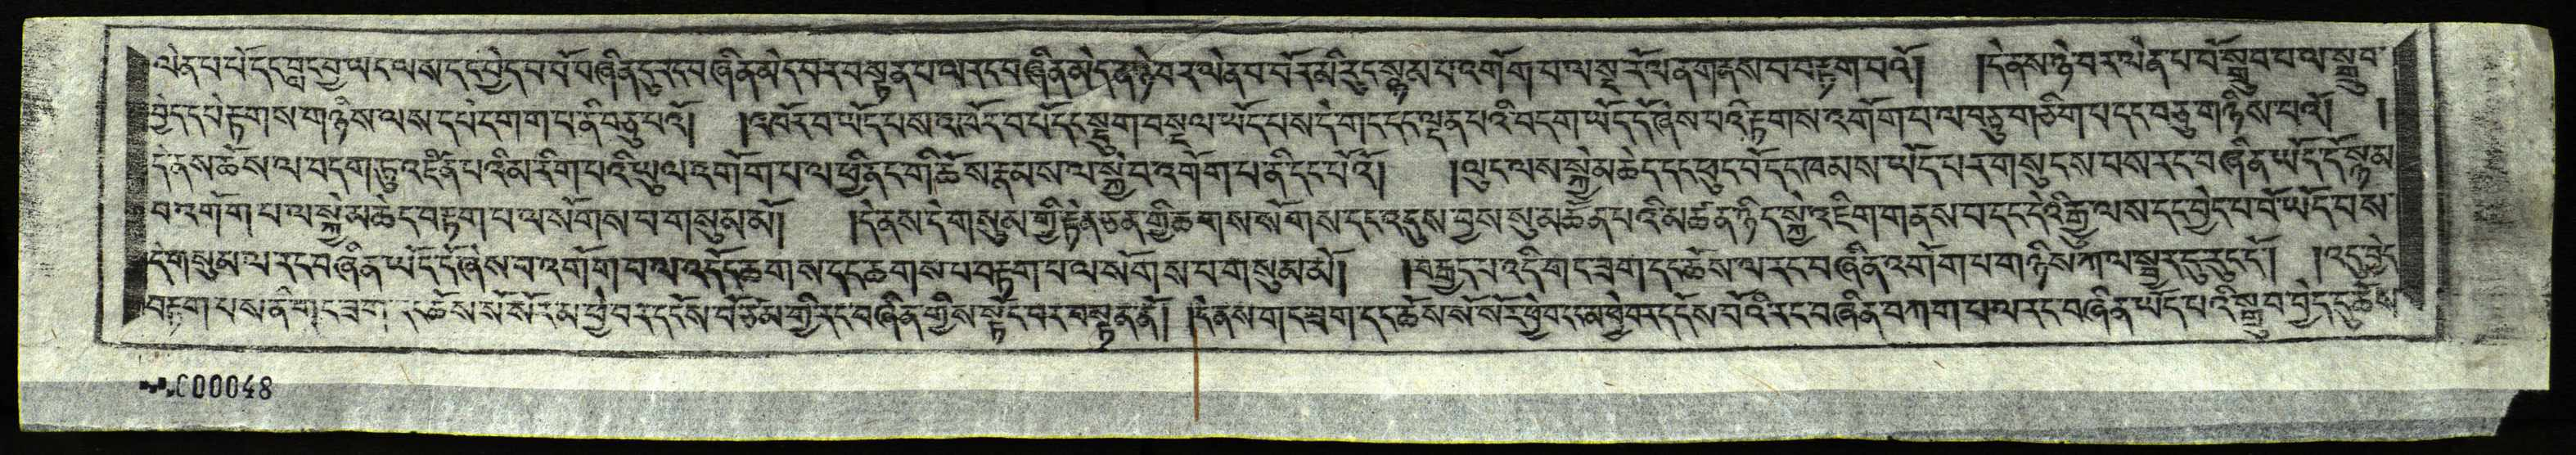ལེན་པ་པོ་དང་བླང་བྱ་ཡང་ལས་དང་བྱེད་པ་པོ་བཞིན་དུ་རང་བཞིན་མེད་བར་བསྟན་པ་ལ་རང་བཞིན་མེད་ན་ཉེ་བར་ལེན་པ་པོར་མི་རུང་སྙམ་པ་འགོག་པ་ལ་སྔ་རོལ་ན་གནས་པ་བརྟག་པའོ། །དེ་ནས་ཉེ་བར་ལེན་པ་བོ་སྒྲུབ་པ་ལ་སྒྲུབ་
བྱེད་དཔེ་རྟགས་གཉིས་ལས་དཔེ་དགག་པ་ནི་བཅུ་པའོ། །འཁོར་བ་ཡོད་པས་འཁོར་བ་པོ་དང་སྡུག་བསྔལ་ཡོད་པས་དེ་གང་དང་ལྡན་པའི་བདག་ཡོད་དོ་ཞེས་པའི་རྟགས་འགོག་པ་ལ་བཅུ་གཅིག་པ་དང་བཅུ་གཉིས་པའོ། །
དེ་ནས་ཆོས་ལ་བདག་ཏུ་འཛིན་པའི་མ་རིག་པའི་ཡུལ་འགོག་པ་ལ་ཕྱི་ནང་གི་ཆོས་རྣམས་ལ་སྐྱེ་བ་འགོག་པ་ནི་དང་པོའོ། །ལུང་ལས་སྐྱེ་མཆེད་དང་ཕུང་པོ་དང་ཁམས་ཡོད་པར་གསུངས་པས་རང་བཞིན་ཡོད་དོ་སྙམ་
བ་འགོག་པ་ལ་སྐྱེ་མཆེད་བརྟག་པ་ལ་སོགས་པ་གསུམ་མོ། །དེ་ནས་དེ་གསུམ་གྱི་རྟེན་ཅན་གྱི་ཆགས་སོགས་དང་འདུས་བྱས་སུ་མཚོན་པའི་མཚན་ཉིད་སྐྱེ་འཇིག་གནས་པ་དང་དེའི་རྒྱུ་ལས་དང་བྱེད་པ་པོ་ཡོད་པས་
དེ་གསུམ་ལ་རང་བཞིན་ཡོད་དོ་ཞེས་བ་འགོག་པ་ལ་འདོད་ཆགས་དང་ཆགས་པ་བརྟག་པ་ལ་སོགས་པ་གསུམ་མོ། །བརྒྱད་པ་འདི་གང་ཟག་དང་ཆོས་ལ་རང་བཞིན་འགོག་པ་གཉིས་ཀ་ལ་སྦྱར་དུ་རུང་ངོ། །འདུ་བྱེད་
བརྟག་པས་ནི་གང་ཟག་དང་ཆོས་སོ་སོར་མ་ཕྱེ་བར་དངོས་པོ་ཙམ་གྱི་རང་བཞིན་གྱིས་སྟོང་བར་བསྟན་ནོ། །དེ་ནས་གང་ཟག་དང་ཆོས་སོ་སོར་ཕྱེ་བ་དང་མ་ཕྱེ་བར་དངོས་པོའི་རང་བཞིན་བཀག་པ་ལ་རང་བཞིན་ཡོད་པའི་སྒྲུབ་བྱེད་དུ་ཆོས་